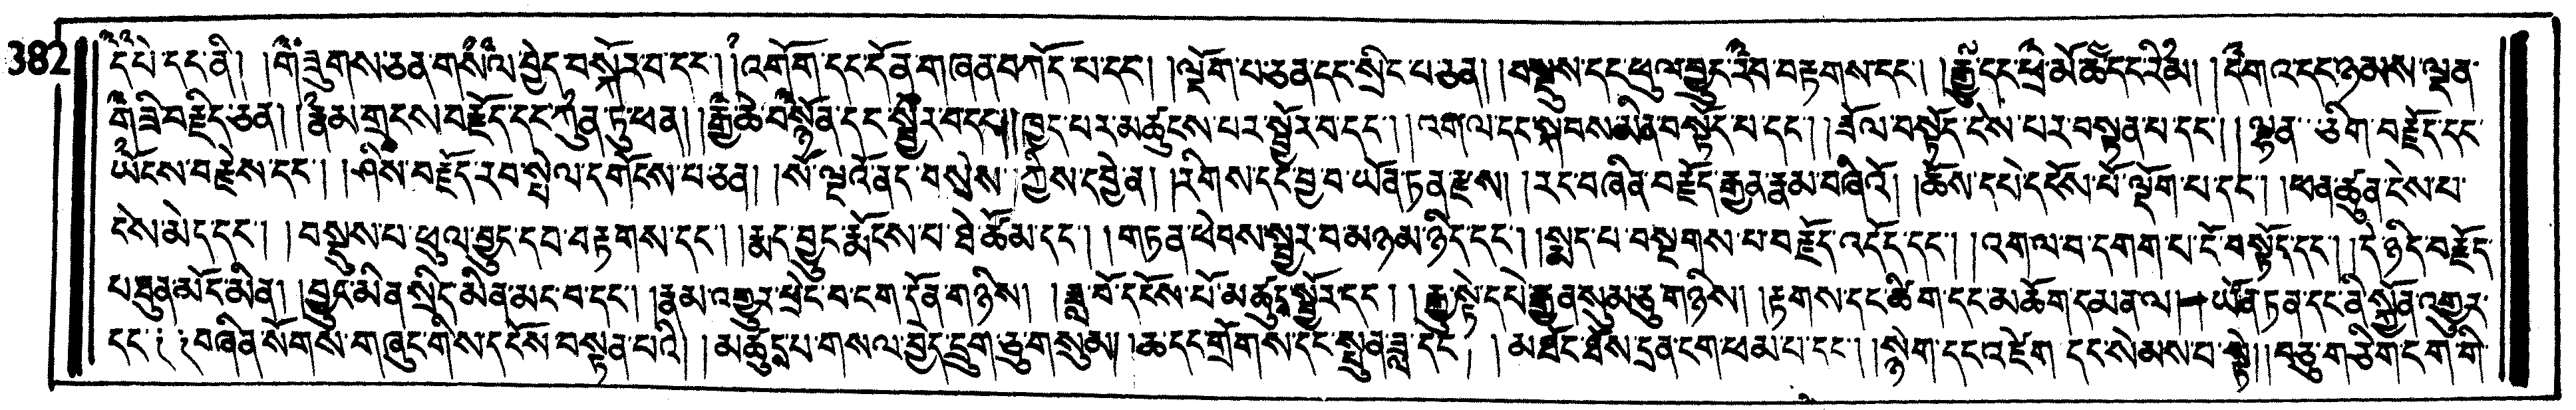དཔེ་དང་ནི། །གཟུགས་ཅན་གསལ་བྱེད་བསྐོར་བ་དང་། །འགོག་དང་དོན་གཞན་བཀོད་པ་དང་། །ལྡོག་པ་ཅན་དང་སྲིད་པ་ཅན། །བསྡུས་དང་ཕུལ་བྱུང་རབ་བརྟགས་དང་། །རྒྱུ་དང་ཕྲ་མོ་ཆ་དང་རིམ། །དགའ་དང་ཉམས་ལྡན་
གཟི་བརྗིད་ཅན། །རྣམ་གྲངས྾་བརྗོད་དང་ཀུན་ཏུ་ཕན། །རྒྱ་ཆེ་བསྙོན་དང་སྦྱར་བ་དང་། །ཁྱད་པར་མཚུངས་པར་སྦྱོར་བ་དང་། །འགལ་དང་སྐབས་མིན་བསྟོད་པ་དང་། །ཟོལ་བསྟོད་ངེས་པར་བསྟན་པ་དང་། །ལྷན་ཅིག་བརྗོད་དང་
ཡོངས་བརྗེས་དང་། །ཤིས་བརྗོད་རབ་སྤེལ་དགོངས་པ་ཅན། །སོ་ལྔའོ་ནང་བསྲེས་ཀྱིས་དབྱེ་ན། །རིགས་དང་བྱ་བ་ཡོན་ཏན་རྫས། །རང་བཞིན་བརྗོད་རྒྱན་རྣམ་བཞིའོ། །ཆོས་དཔེ་དངོས་པོ་ལྡོག་པ་དང་། །ཕན་ཚུན་ངེས་པ་
ངེས་མེད་དང་། །བསྡུས་པ་ཕུལ་བྱུང་དབ་བརྟགས་དང་། །རྨད་བྱུང་རྨོངས་པ་ཐེ་ཚོམ་དང་། །གཏན་ཕེབས་སྦྱར་བ་མཉམ་ཉིད་དང་། །སྨད་པ་བསྔགས་པ་བརྗོད་འདོད་དང་། །འགལ་བ་དགག་པ་ངོ་བསྟོད་དང་། །དེ་ཉིད་བརྗོད་
པ་ཐུན་མོང་མིན། །བྱུང་མིན་སྲིད་མིན་མང་བ་དང་། །རྣམ་འགྱུར་ཕྲེང་བ་ངག་དོན་གཉིས། །ཟླ་བོ་དངོས་པོ་མཚུངས་སྦྱོར་དང་། །རྐྱུ་སྟེ་དཔེ་རྒྱན་སུམ་ཅུ་གཉིས། །རྟགས་དང་ཚིག་དང་མཆོག་དམན་ལ། །ཡོན་ཏན་དང་ནི་སྐྱོན་འགྱུར་
དང༑ ༑བཞིན་སོགས་གཞུང་གིས་དངོས་བསྟན་པའི། །མཚུངས་པ་གསལ་བྱེད་དྲུག་ཅུ་གསུམ། །ཆ་དང་གྲོགས་དང་སྤུན་ཟླ་དང་། །མཐོང་ཐོས་དྲན་ངག་ཕམ་པ་དང་། །སྙེག་དང་འཛེག་དང་སེམས་པ་སྟེ། །བཅུ་གཅིག་ངག་གི་